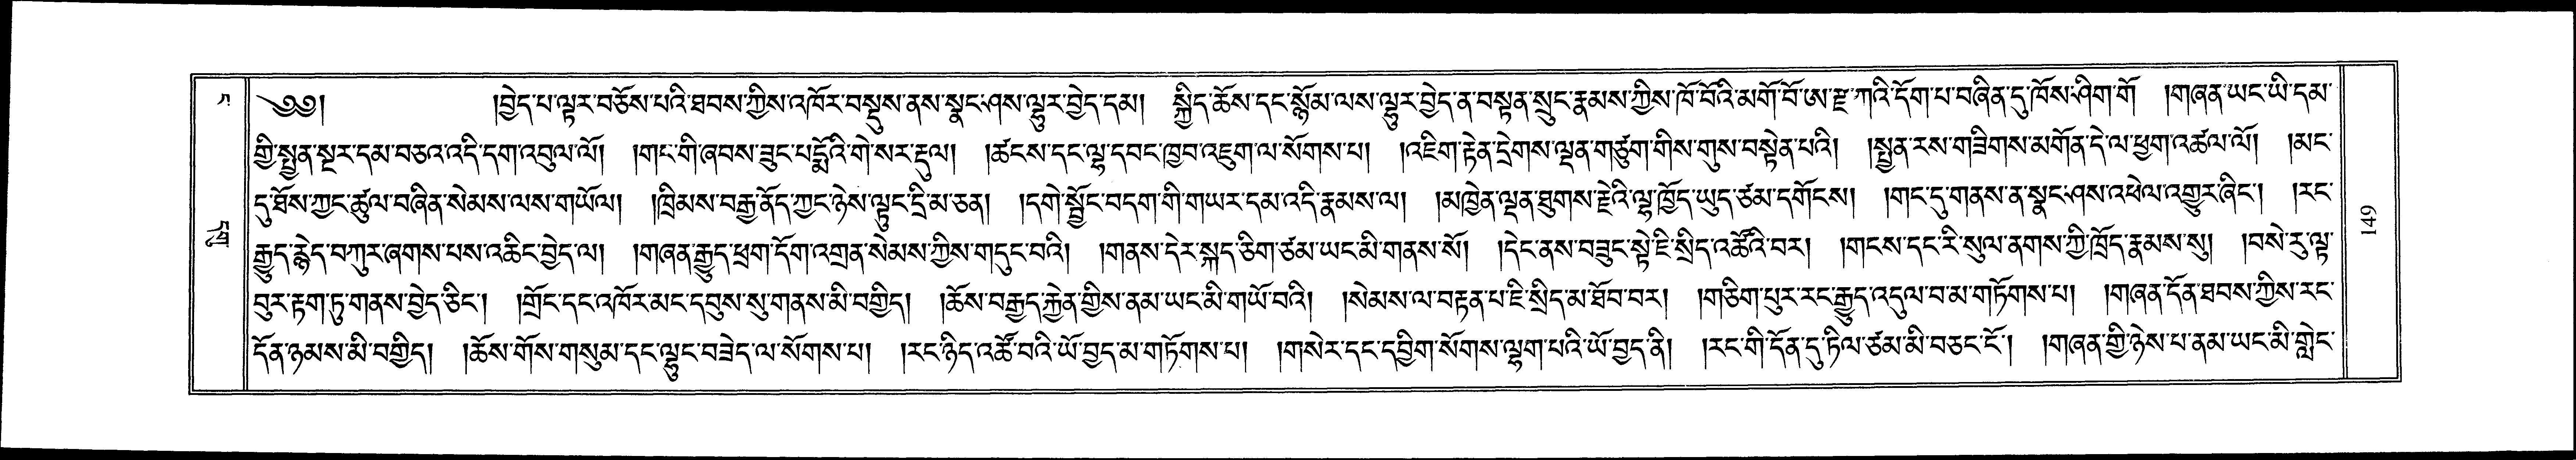༄༅། །བྱེད་པ་ལྟར་བཅོས་པའི་ཐབས་ཀྱིས་འཁོར་བསྡུས་ནས་སྣང་ཤས་ལྷུར་བྱེད་དམ། སྐྱིད་ཆོས་དང་སྙོམ་ལས་ལྷུར་བྱེད་ན་བསྟན་སྲུང་རྣམས་ཀྱིས་ཁོ་བོའི་མགོ་བོ་ཨ་རྫ་ཀའི་དོག་པ་བཞིན་དུ་ཁོས་ཤིག་གོ །གཞན་ཡང་ཡི་དམ་
གྱི་སྤྱན་སྔར་དམ་བཅའ་འདི་དག་འབུལ་ལོ། །གང་གི་ཞབས་ཟུང་པདམོའི་གེ་སར་རྡུལ། །ཚངས་དང་ལྷ་དབང་ཁྱབ་འཇུག་ལ་སོགས་པ། །འཇིག་རྟེན་དྲེགས་ལྡན་གཙུག་གིས་གུས་བསྟེན་པའི། །སྤྱན་རས་གཟིགས་མགོན་དེ་ལ་ཕྱག་འཚལ་ལོ། །མང་
དུ་ཐོས་ཀྱང་ཚུལ་བཞིན་སེམས་ལས་གཡོལ། །ཁྲིམས་བརྒྱ་ནོད་ཀྱང་ཉེས་ལྟུང་དྲི་མ་ཅན། །དགེ་སྦྱོང་བདག་གི་གཡར་དམ་འདི་རྣམས་ལ། །མཁྱེན་ལྡན་ཐུགས་རྗེའི་ལྷ་ཁྱོད་ཡུད་ཙམ་དགོངས། །གང་དུ་གནས་ན་སྣང་ཤས་འཕེལ་འགྱུར་ཞིང་། །རང་
རྒྱུད་རྙེད་བཀུར་ཞགས་པས་འཆིང་བྱེད་ལ། །གཞན་རྒྱུད་ཕྲག་དོག་འགྲན་སེམས་ཀྱིས་གདུང་བའི། །གནས་དེར་སྐད་ཅིག་ཙམ་ཡང་མི་གནས་སོ། །དེང་ནས་བཟུང་སྟེ་ཇི་སྲིད་འཚོའི་བར། །གངས་དང་རི་སུལ་ནགས་ཀྱི་ཁྲོད་རྣམས་སུ། །བསེ་རུ་ལྟ་
བུར་རྟག་ཏུ་གནས་བྱེད་ཅིང་། །གྲོང་དང་འཁོར་མང་དབུས་སུ་གནས་མི་བགྱིད། །ཆོས་བརྒྱད་རྐྱེན་གྱིས་ནམ་ཡང་མི་གཡོ་བའི། །སེམས་ལ་བརྟན་པ་ཇི་སྲིད་མ་ཐོབ་པར། །གཅིག་པུར་རང་རྒྱུད་འདུལ་བ་མ་གཏོགས་པ། །གཞན་དོན་ཐབས་ཀྱིས་རང་
དོན་ཉམས་མི་བགྱིད། །ཆོས་གོས་གསུམ་དང་ལྷུང་བཟེད་ལ་སོགས་པ། །རང་ཉིད་འཚོ་བའི་ཡོ་བྱད་མ་གཏོགས་པ། །གསེར་དང་དབྱིག་སོགས་ལྷག་པའི་ཡོ་བྱད་ནི། །རང་གི་དོན་དུ་ཏིལ་ཙམ་མི་བཅང་ངོ། །གཞན་གྱི་ཉེས་པ་ནམ་ཡང་མི་གླེང་